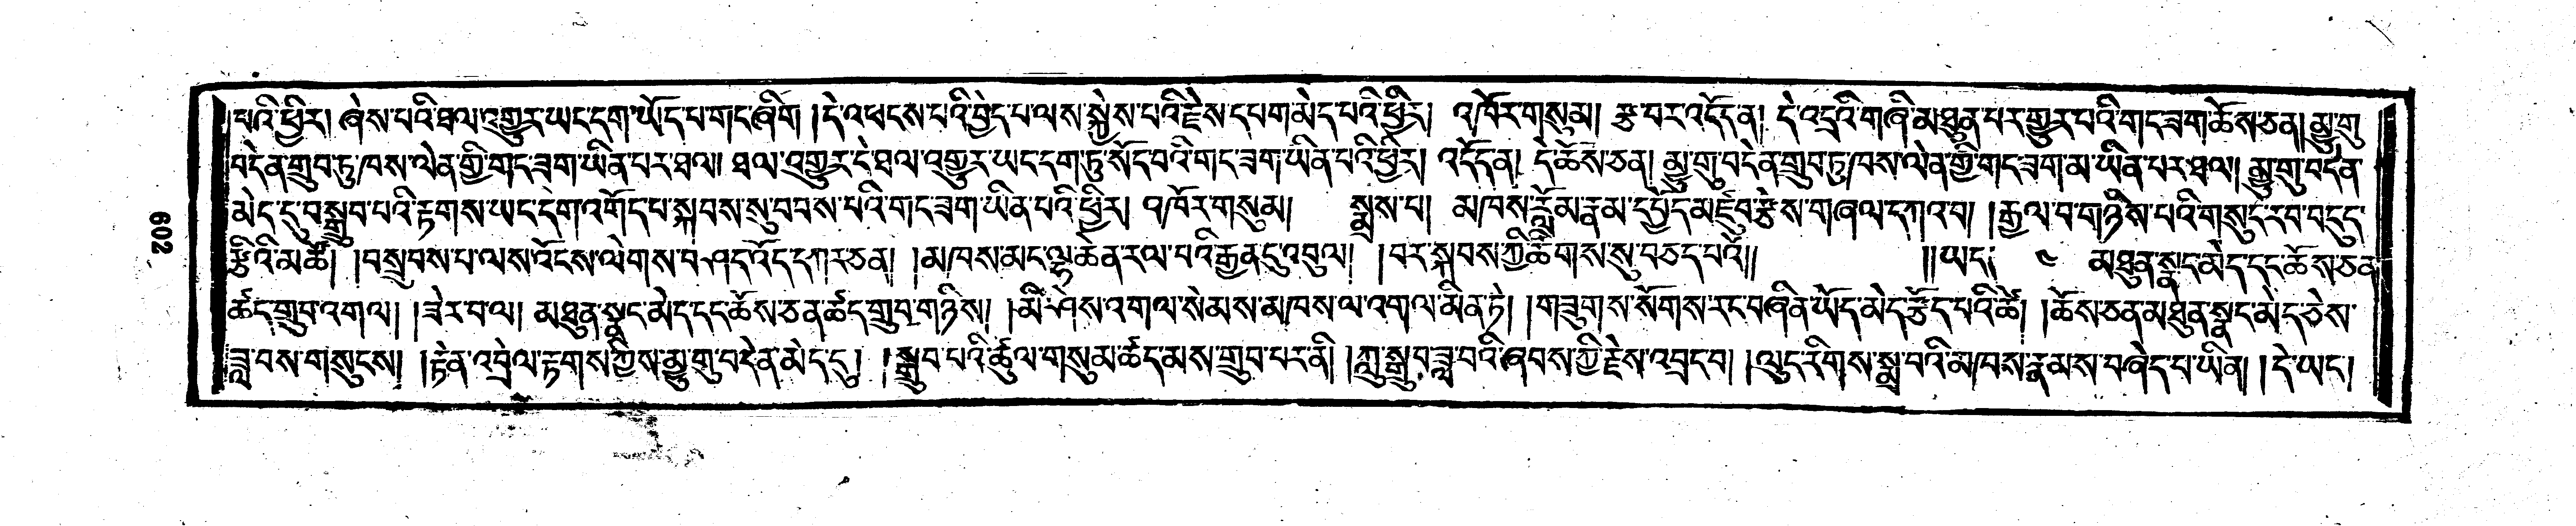པའི་ཕྱིར། ཞེས་པའི་ཐལ་འགྱུར་ཡང་དག་ཡོད་པ་གང་ཞིག །དེ་འཕངས་པའི་བྱེད་པ་ལས་སྐྱེས་པའི་རྗེས་དཔག་མེད་པའི་ཕྱིར། འཁོར་གསུམ། རྩ་བར་འདོད་ན། དེ་འདྲའི་གཞི་མཐུན་པར་གྱུར་པའི་གང་ཟག་ཆོས་ཅན། མྱུ་གུ་
བདེན་གྲུབ་ཏུ་ཁས་ལེན་གྱི་གང་ཟག་ཡིན་པར་ཐལ། ཐལ་འགྱུར་དེ་ཐལ་འགྱུར་ཡང་དག་ཏུ་སོང་བའི་གང་ཟག་ཡིན་པའི་ཕྱིར། འདོད་ན། དེ་ཆོས་ཅན། མྱུ་གུ་བདེན་གྲུབ་ཏུ་ཁས་ལེན་གྱི་གང་ཟག་མ་ཡིན་པར་ཐལ། མྱུ་གུ་བདེན་
མེད་དུ་བསྒྲུབ་པའི་རྟགས་ཡང་དག་འགོད་པ་སྐབས་སུ་བབས་པའི་གང་ཟག་ཡིན་པའི་ཕྱིར། འཁོར་གསུམ། སྨྲས་པ། མཁས་རློམ་རྣམ་དཔྱོད་མཛུབ་རྩེས་གཞལ་དཀའ་བ། །རྒྱལ་བ་གཉིས་པའི་གསུང་རབ་བདུད་
རྩིའི་མཚོ། །བསྒྲུབས་པ་ལས་འོངས་ལེགས་བཤད་འོད་དཀར་ཅན། །མཁས་མང་ལྷ་ཆེན་རལ་པའི་རྒྱན་དུ་འབུལ། །བར་སྐབས་ཀྱི་ཚིགས་སུ་བཅད་པའོ།། །།ཡང༑ ༤་མཐུན་སྣང་མེད་དང་ཆོས་ཅན་
ཚད་གྲུབ་འགལ། །ཟེར་བ་ལ། མཐུན་སྣང་མེད་དང་ཆོས་ཅན་ཚད་གྲུབ་གཉིས། །མི་ཤེས་འགལ་སེམས་མཁས་ལ་འགལ་མིན་ཏེ། །གཟུགས་སོགས་རང་བཞིན་ཡོད་མེད་རྩོད་པའི་ཚེ། །ཆོས་ཅན་མཐུན་སྣང་མེད་ཅེས་
ཟླ་བས་གསུངས། །རྟེན་འབྲེལ་རྟགས་ཀྱིས་མྱུ་གུ་བདེན་མེད་དུ། །སྒྲུབ་པའི་ཚུལ་གསུམ་ཚད་མས་གྲུབ་པར་ནི། །ཀླུ་སྒྲུབ་ཟླ་བའི་ཞབས་ཀྱི་རྗེས་འབྲང་བ། །ལུང་རིགས་སྨྲ་བའི་མཁས་རྣམས་བཞེད་པ་ཡིན། །དེ་ཡང་།